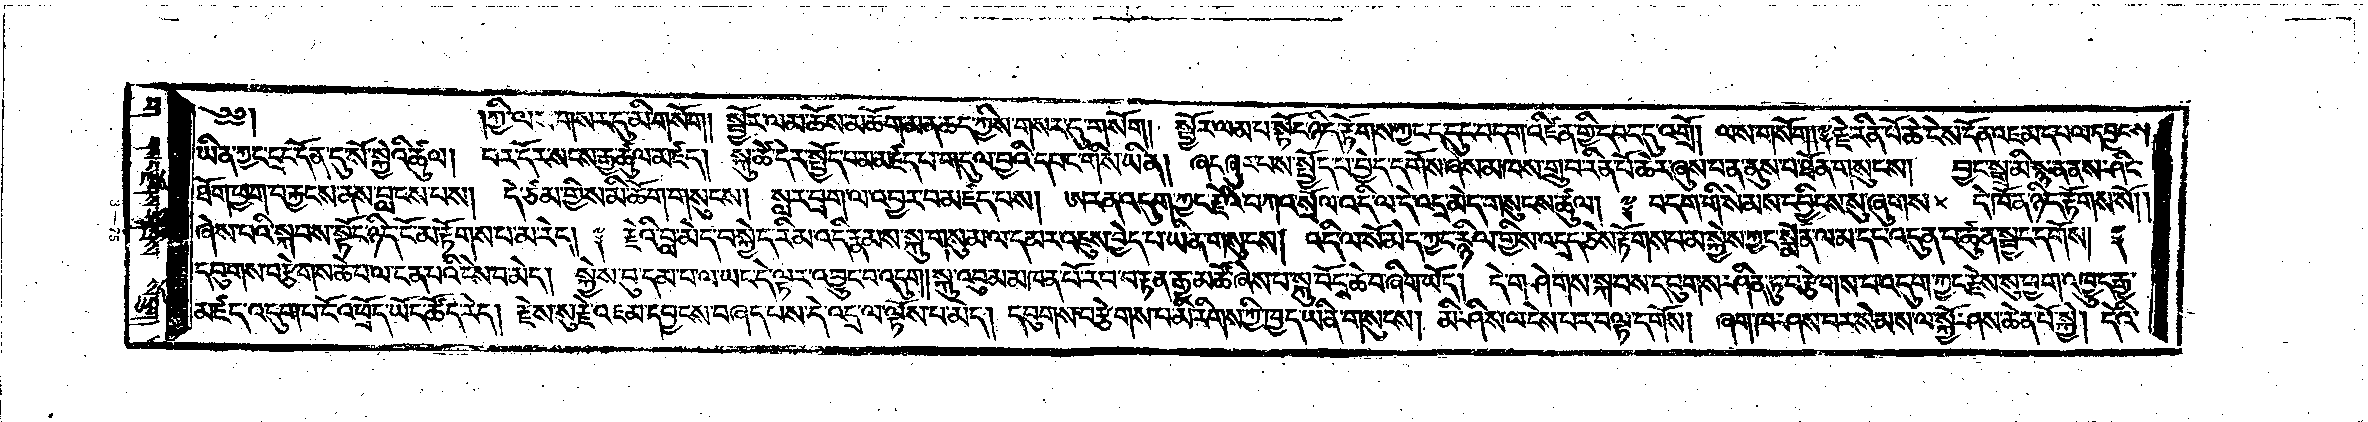༄༅། །ཀྱི་ལས་གསར་དུ་མི་གསོག། སྦྱོར་ལམ་ཆོས་མཆོག་མན་ཆད་ཀྱིས་གསར་དུ་གསོག། སྦྱོར་ལམ་པ་སྟོང་ཉིད་རྟོགས་ཀྱང་ད་དུང་བདག་འཛིན་གྱི་དབང་དུ་འགྲོ། ལས་གསོག། ༈ རྗེ་རིན་པོ་ཆེ་ངེས་དོན་འཇམ་དཔལ་དབྱངས་
ཡིན་ཀྱང་དྲང་དོན་དུ་སོ་སྐྱེའི་ཚུལ། པར་དོར་སངས་རྒྱ་ཚུལ་མཛད། སྐུ་ཚེ་དེར་སྤྱོད་པ་མ་མཛད་པ་གདུལ་བྱའི་དབང་གིས་ཡིན། ཞང་ཞུང་པས་སྤྱོད་པ་བྱེད་དགོས་ཞེས་མཁས་གྲུབ་རིན་པོ་ཆེར་ཞུས་པན་ནུས་པ་ཐོན་གསུངས། བྱང་སྒྲ་མི་སྙན་ནས་ཤིང་
ཐོག་ཕྱག་བརྐྱངས་ནས་བླངས་པས། དེ་ཙམ་གྱིས་མི་ཆོག་གསུངས། སླར་བྲག་ལ་འབྱར་བ་མཛད་པས། ཨ་རན་འདུག་ཀྱང་རྗེའི་བཀའ་སྲོལ་འདི་ལ་དེ་འདྲ་མེད་གསུངས་ཚུལ། ༈ བདག་གི་སེམས་དབྱིངས་སུ་ཞུགས྾་དེ་ཁོ་ན་ཉིད་རྟོགས་སོ། །
ཞེས་པའི་སྐབས་སྟོང་ཉིད་ངོ་མ་རྟོགས་པ་མ་རེད། ༈ རྗེའི་བླ་མེད་བསྐྱེད་རིམ་འདི་རྣམས་སྐུ་གསུམ་ལ་དམར་འཇུས་བྱེད་པ་ཡིན་གསུངས། འདི་ལ་སོ་མེད་ཀྱང་རྙིལ་གྱིས་འདྲད་ཅེས་རྟོགས་པ་མ་སྐྱེས་ཀྱང་སྨོན་ལམ་དང་འདུན་པ་ཚུན་སྦྱང་དགོས། ༈
དབུགས་བརྩེགས་ཆེ་བ་ལ་ངན་པའི་ངེས་པ་མེད། སྐྱེས་བུ་དམ་པ་ལ་ཡང་དེ་ལྟར་འབྱུང་བ་འདུག །སྐུ་འབུམ་མཁན་པོ་རབ་བརྟན་རྒྱ་མཚོ་ཞེས་པ་སྐུ་བོངས་ཆེ་བ་ཞིག་ཡོད། དེ་གཤེགས་སྐབས་དབུགས་ཤིན་ཏུ་བརྩེགས་པ་འདུག་ཀྱང་རྗེས་སུ་ཕྱག་འཁྱུད་རྒྱ་
མཛད་འདུག་པ་ངོ་འཕྲོད་ཡོད་ཚོད་རེད། རྗེས་སུ་རྗེ་འཇམ་དབྱངས་བཞད་པས་དེ་འདྲ་ལ་ལྟོས་པ་མེད། དབུགས་བརྩེགས་པ་མི་རིགས་ཀྱི་ཁྱད་ཡིན་གསུངས། མི་ཤིས་ལ་ངེས་པར་བལྟ་དགོས། ཞག་ཁ་ཤས་བར་སེམས་ལ་སྐྱོ་ཤས་ཆེན་པོ་སྐྱེ། དེའི་